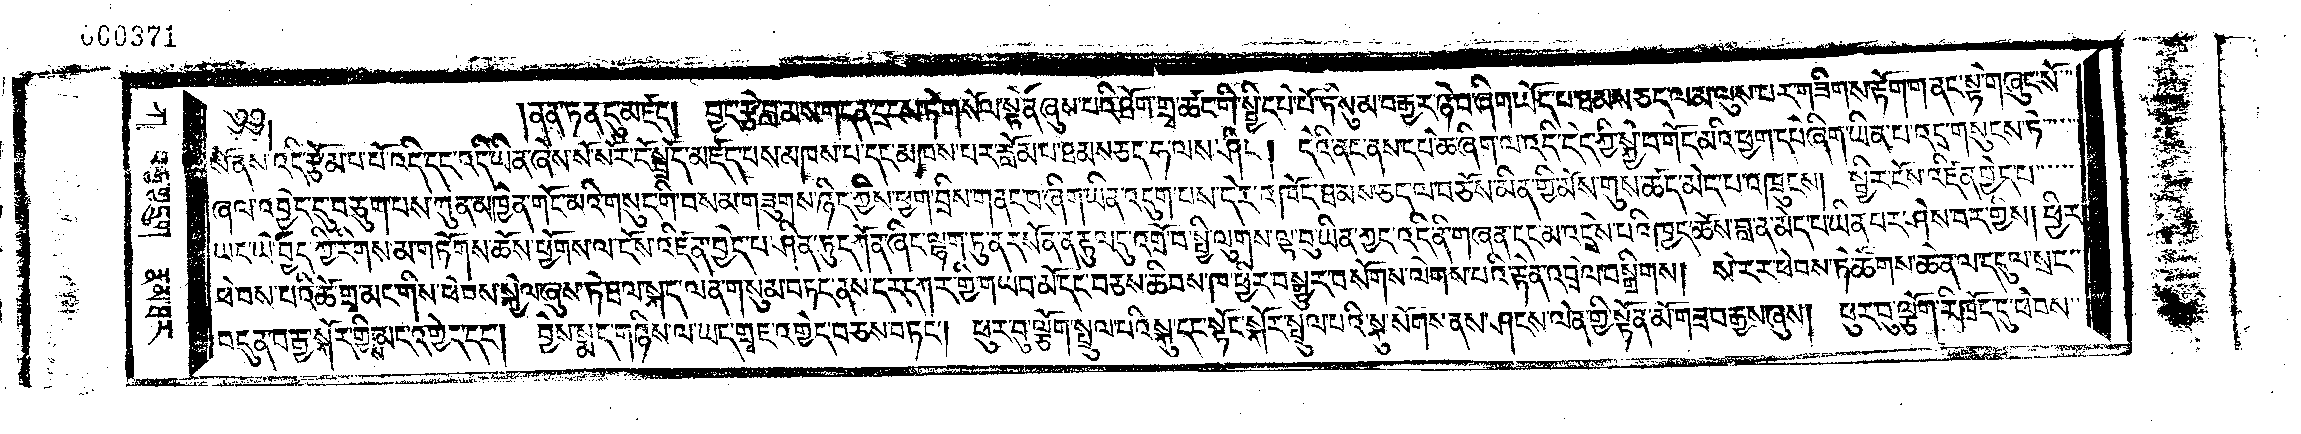༄༅། །ནན་ཏན་དུ་མཛད། བྱང་རྩེ་བླ་མས་གདན་དྲངས་ཏེ་གསོལ་སྟོན་ཞུས་པའི་ཐོག་གྲྭ་ཚང་གི་སྤྱི་དཔེ་པོ་ཏི་སུམ་བརྒྱར་ཉེ་བ་ཞིག་ཡོད་པ་ཐམས་ཅད་ལ་མ་ལུས་པར་གཟིགས་རྟོག་གནང་སྟེ་གཞུང་སོ་
སོ་ནས་འདི་རྩོམ་པ་པོ་འདི་དང་འདི་ཡིན་ཞེས་སོ་སོར་ངོ་སྤྲོད་མཛད་པས་མཁས་པ་དང་མཁས་པར་རློམ་པ་ཐམས་ཅད་ཧ་ལས་ཤིང་། དེའི་ནང་ནས་དཔེ་ཆ་ཞིག་ལ་འདི་ངེད་ཀྱི་སྐྱེ་བ་གོང་མའི་ཕྱག་དཔེ་ཞིག་ཡིན་པ་འདྲ་གསུངས་ཏེ་
ཞལ་འབྱེད་དུ་བཅུག་པས་ཀུན་མཁྱེན་གོང་མའི་གསུང་གི་བསམ་གཟུགས་ཉིད་ཀྱིས་ཕྱག་བྲིས་གནང་བ་ཞིག་ཡིན་འདུག་པས་དེར་འཁོད་ཐམས་ཅད་ལ་བཅོས་མིན་གྱི་མོས་གུས་ཚད་མེད་པ་འཁྲུངས། སྤྱིར་ངོས་འཛིན་བྱེད་པ་
ཡང་ཡོ་བྱད་ཀྱི་རིགས་མ་གཏོགས་ཆོས་ཕྱོགས་ལ་ངོས་འཛིན་བྱེད་པ་ཤིན་ཏུ་དཀོན་ཞིང་ལྷག་ཏུ་ནར་སོན་ན་རྟུལ་དུ་འགྲོ་བ་སྤྱི་ལུགས་ལྟ་བུ་ཡིན་ཀྱང་འདི་ནི་གཞན་དང་མ་འདྲེས་པའི་ཁྱད་ཆོས་བླ་ན་མེད་པ་ཡིན་པར་ཤེས་པར་གྱིས། ཕྱིར་
ཕེབས་པའི་ཚེ་གྲྭ་མང་གིས་ཕེབས་སྐྱེལ་ཞུས་ཏེ་ཐལ་སྐད་ལན་གསུམ་བཏང་ནས་དར་དཀར་གྱི་གཡབ་མོ་དང་བཅས་ཆིབས་ཁ་ཕྱིར་བསྒྱུར་བ་སོགས་ལེགས་པའི་རྟེན་འབྲེལ་བསྒྲིགས། སེ་རར་ཕེབས་ཏེ་ཚོགས་ཆེན་ལ་དངུལ་སྲང་
བདུན་བརྒྱ་སྐོར་གྱིས་མང་འགྱེད་དང་། བྱེས་སྨད་གཉིས་ལ་ཡང་གྲྭ་ཇ་འགྱེད་བཅས་བཏང་། ཕུར་བུ་ལྕོག་སྤྲུལ་པའི་སྐུ་དང་སྟོང་སྐོར་སྤྲུལ་པའི་སྐུ་སོགས་ནས་ཤངས་ལེན་གྱི་སྟོན་མོ་གཟབ་རྒྱས་ཞུས། ཕུར་བུ་ལྕོག་རི་ཁྲོད་དུ་ཕེབས་